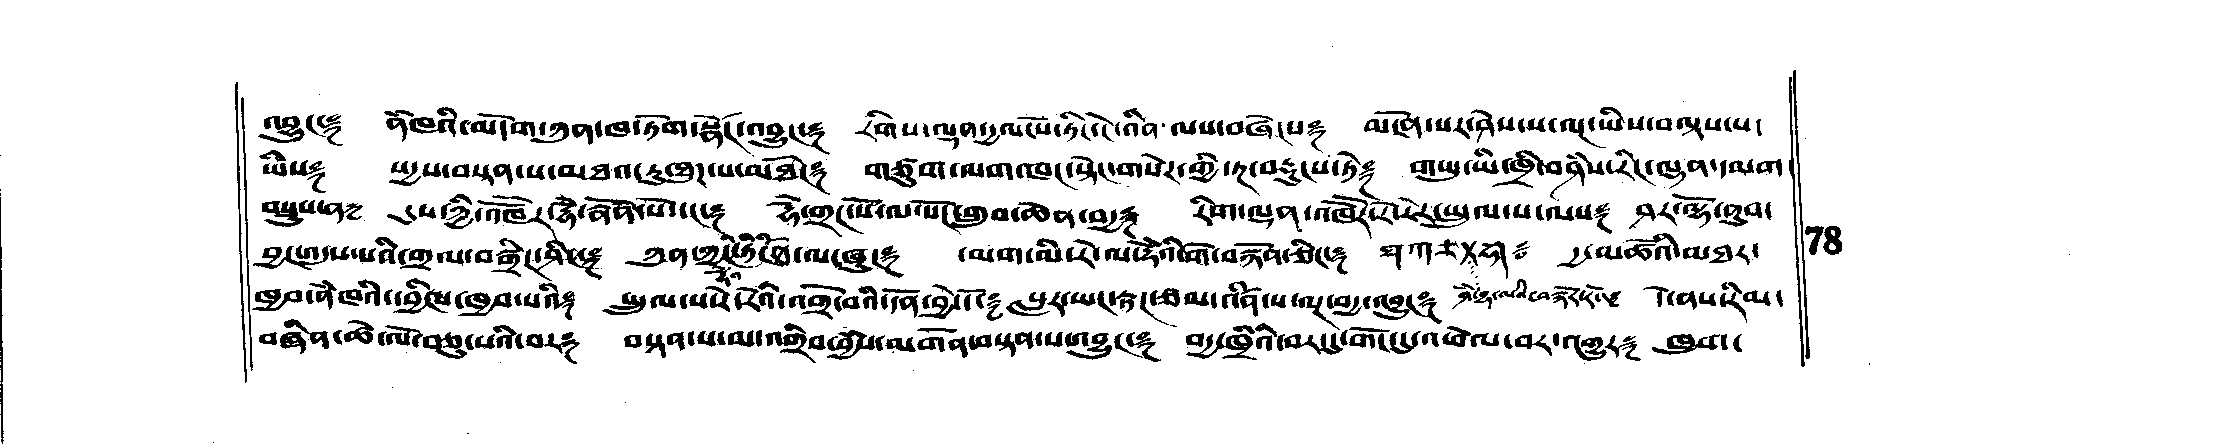འབྱུང་། །ནམ་མཁའི་མདོག་ཀུན་ཁ་དོག་སྣ་ཚོགས་འབྱུང་། །རིགས་ལྡན་རྒྱལ་པོ་ཏིང་ངེ་འཛིན་ལས་བཞེངས། །མངོན་པར་ཤེས་པ་ལྔ་ཡིས་བལྟས་པ་
ཡིས། །སངས་རྒྱས་བསྟན་པ་མཐའ་རུ་ཐུག་པ་མཐོང་། །གཙུག་ལག་ཁང་སྟེང་གསེར་གྱི་རྔ་བརྡུངས་ཏེ། །གཡུ་ཡི་ཁྲི་བཤམས་རིགས་ལྡན་དམག་
བསྡུས་ན། །དུས་ཀྱི་འཁོར་ལོར་རྡོ་རྗེ་རྣོན་པོ་དང་། །རྡོ་རྗེ་གྲགས་པོ་ལ་སོགས་གྲུབ་ཆེན་བརྒྱ། །རིགས་ལྡན་འཁོར་ལོ་རེ་རེར་སྤྲུལ་པ་ལས། །ཤར་ལྷོ་ནུབ་
བྱང་འདུས་པའི་གྲལ་བསྒྲིགས་ཤིང་། །ཀུན་ཀྱང་རྡོ་རྗེའི་ཏིང་ངེ་འཛིན་ལ་ཞུགས། །དམག་མི་རེ་ལ་རྡོ་རྗེའི་གོ་བསྐོན་ཅིང་། ་་་་་་་་་ཤམ་བྷ་ལའི་བསྐོར་རོ། །རྒྱ་མཚོའི་མཐར་
ཁྱབ་ནམ་མཁའི་དབྱིངས་ཁྱབ་པའི། །སྤྲུལ་པ་རེ་རེའི་འགྲོ་བའི་དོན་བྱེད་དོ། །སླར་ཡང་རྟགས་ཙམ་འཛིན་པ་ལྔ་བརྒྱ་འབྱུང་། །དེ་ནས་རིམ་
བཞིན་ཚེ་ལོ་བཅུ་པའི་བར། །བསྟན་པ་མ་༼མར་?༽འགྲིབ་བྱམས་མགོན་བསྟན་པ་འབྱུང་། །བརྒྱད་ཁྲིའི་བར་དུ་གོང་དུ་འཕེལ་བར་འགྱུར། ཁུག་